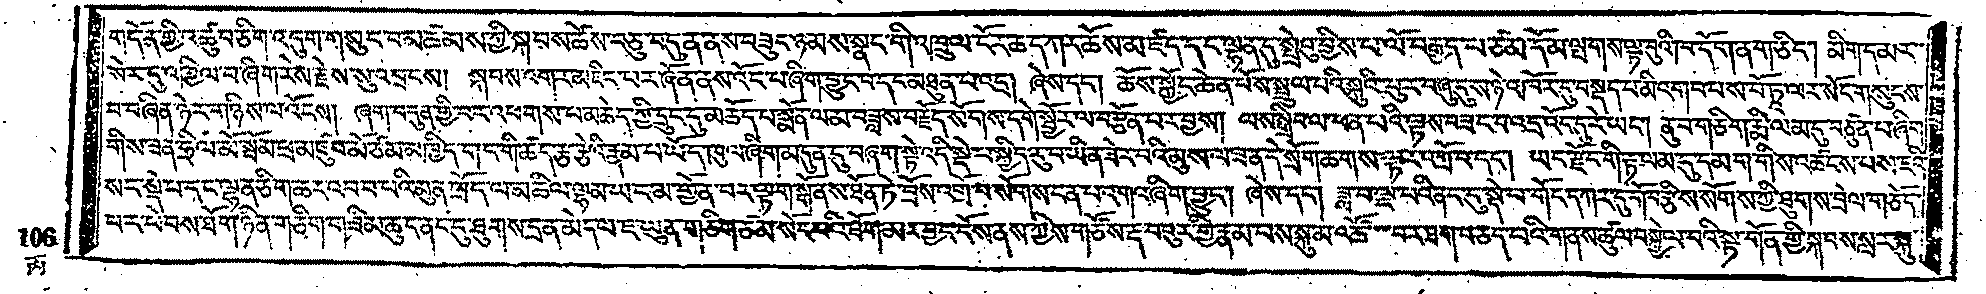གདོན་གྱི་འཚུབ་ཅིག་འདུག་གསུང་བ་མཚམས་ཀྱི་སྐབས་ཚེས་བཅུ་བདུན་ནས་བཟུང་ཉམས་སྣང་གི་འཁྲུལ་ངོར་ཆ་དཀར་ཆོས་མཛད་དང་ལྷན་དུ་སྤྲེའུ་བྱིས་པ་ལོ་བརྒྱད་པ་ཙམ་དོམ་ལྤགས་ལྟ་བུའི་ཁ་དོག་ནག་ཅིང་། མིག་དམར་
སེར་དུ་འཁྱིལ་བ་ཞིག་རེས་རྗེས་སུ་འབྲངས། སྐབས་འགར་མཇིང་པར་ཞོན་ནས་འོང་པ་ཞིག་བྱུང་བ་དང་མཐུན་པ་འདྲ། ཞེས་དང་། ཆོས་སྐྱོང་ཆེན་པོས་སྤྲུལ་པའི་སྐུའི་པུར་བ་ཞུ་དུས་ཉེ་འཁོར་དུ་བསྡད་པ་མི་འགབ་པས་པོ་ཏཱ་ལར་སོང་གསུངས་
བ་བཞིན་ཉེར་གཉིས་ལ་འོངས། ཞག་བདུན་གྱི་བར་འཕགས་པ་མཆེད་ཀྱི་དྲུང་དུ་མཆོད་པ་སྨོན་ལམ་བཟླས་བརྗོད་སོགས་དགེ་སྦྱོར་ལ་བརྩོན་པར་བྱས། ལས་སྒྲིབ་ལ་ཕན་པའི་ལྟས་བཟང་བ་འདྲ་འོང་དུ་རེ་ཡང་། ནུབ་གཅིག་རྨི་ལམ་དུ་བཙུན་པ་ཞིག་
གིས་ཟན་ཧྲིལ་མོ་སྦོམ་ཕྲ་མཛུབ་མོ་ཙམ་མཁྱིད་གང་གི་ཚད་རྩ་རྩེའི་རྣམ་པ་ཡོད་ཁུལ་ཞིག་མདུན་དུ་བཞག་སྟེ་འདི་སྡེ་པ་སྐྱིད་རུ་བ་ཡིན་ཟེར་བའི་མུས་ལ་ཟན་དེ་སྲོག་ཆགས་ལྟར་འགྲོ་བ་དང་། ཡང་རྫོང་གི་རྟ་ལམ་དུ་དམག་གིས་འཚངས་པས་ཇའི་
སང་སྡེ་པ་དང་ལྷན་ཅིག་ཆར་འབབ་པའི་མུན་ཁྲོད་ལ་མཆིལ་ལྷམ་ཡང་མ་གྱོན་པར་ལྟག་སྒོ་ནས་ཐོན་ཏེ་བྲོས་འགྲོ་བ་སོགས་ངན་པ་འགའ་ཞིག་བྱུང་། ཞེས་དང་། ཟླ་བ་ལྔ་པའི་ནང་དུ་སྡེ་པ་གོང་དཀར་དུ་གོ་བརྩིས་སོགས་ཀྱི་ཐུགས་བྲེལ་གཅོད་
པར་ཕེབས་ཐོག་ཉིན་གཅིག་གཟིམ་ཆུང་ནང་དུ་ཐུགས་དྲན་མེད་ལ་ཇ་ཡུན་གཅིག་ཙམ་སོང་བའི་ཐོག་མར་བྱང་ངོས་ནས་ཀྱིས་གཙོས་རྡབ་འུར་གྱི་རྣམ་པས་སྐུ་མ་འཚོ་བར་ཐག་བཅད་པའི་གནས་ཚུལ་བསྐྱེལ་བའི་སྟ་གོན་གྱི་སྐབས་སླར་སྐུ་